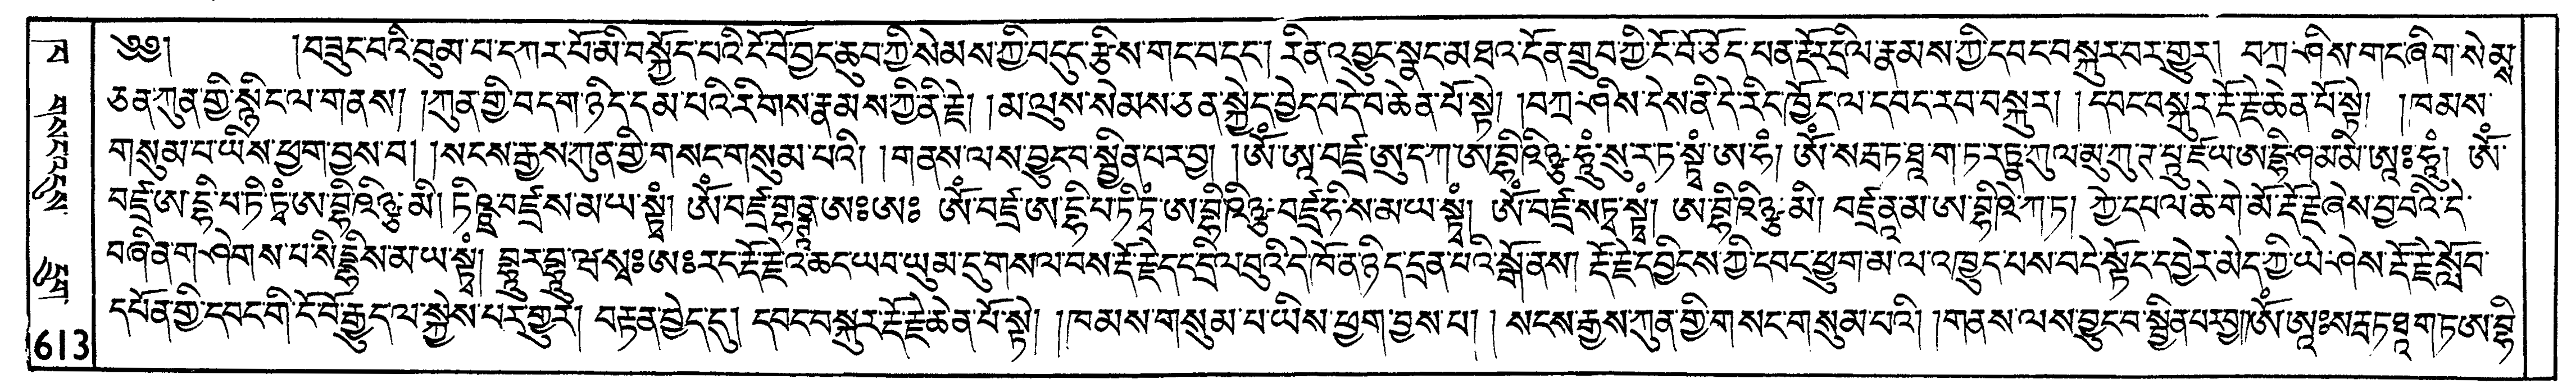༄༅། །བཟུང་བའི་བུམ་པ་དཀར་པོ་མི་བསྐྱོད་པའི་ངོ་བོ་བྱང་ཆུབ་ཀྱི་སེམས་ཀྱི་བདུད་རྩིས་གང་བ་དང་། རིན་འབྱུང་སྣང་མཐའ་དོན་གྲུབ་ཀྱི་ངོ་བོ་ཅོད་པན་རྡོར་དྲིལ་རྣམས་ཀྱི་དབང་བསྐུར་བར་གྱུར། བཀྲ་ཤིས་གང་ཞིག་སེམས་
ཅན་ཀུན་གྱི་སྙིང་ལ་གནས། །ཀུན་གྱི་བདག་ཉིད་དམ་པའི་རིགས་རྣམས་ཀྱི་ནི་རྗེ། །མ་ལུས་སེམས་ཅན་སྐྱེད་བྱེད་བ་དེ་བ་ཆེན་པོ་སྟེ། །བཀྲ་ཤིས་དེས་ནི་དེ་རིང་ཁྱོད་ལ་དབང་རབ་བསྐུར། །དབང་བསྐུར་རྡོ་རྗེ་ཆེན་པོ་སྟེ། །ཁམས་
གསུམ་པ་ཡིས་ཕྱག་བྱས་བ། །སངས་རྒྱས་ཀུན་གྱི་གསང་གསུམ་པའི། །གནས་ལས་བྱུང་བ་སྦྱིན་པར་བྱ། །ཨོཾ་ཨཱ་བཛྲ་ཨུ་ད་ཀ་ཨ་བྷི་ཥིཉྩ་ཧཱུཾ་སུ་ར་ཏ་སྟྭཾ་ཨ་ཧཾ། ཨོཾ་སརྦ་ཏ་ཐཱ་ག་ཏ་རཏྣ་ཀུལ་མུ་ཀུ་ཊ་པཱུ་ཛ་ཡ་ཨ་དྷི་ཤ་མ་མི་ཨཱཿ ཧཱུཾ། ཨོཾ་
བཛྲ་ཨ་དྷི་པ་ཏི་ཏྭཾ་ཨ་བྷི་ཥིཉྩ་མི། ཏིཥཊཿཨ་བཛྲ་ས་མ་ཡ་སྟྭཾ། ཨོཾ་བཛྲ་གྷཎྚཱ་ཨཿ ཨཿ ཨོཾ་བཛྲ་ཨ་དྷི་པ་ཏི་ཏྭཾ་ཨ་བྷི་ཥིཉྩ་བཛྲ་ཧི་ས་མ་ཡ་སྟྭཾ། ཨོཾ་བཛྲ་སྟྭ་སྟྭཾ། ཨ་བྷི་ཥིཉྩ་མི། བཛྲ་ནཱ་མ་ཨ་བྷི་ཥེ་ཀ་ཏ། ཀྱེ་དཔལ་ཆེ་གེ་མོ་རྡོ་རྗེ་ཞེས་བྱ་བའི་དེ་
བཞིན་གཤེགས་པ་སིདྡྷིས་མ་ཡ་སྟྭཾ། བྷཱུར་བྷཱུ་ཝསྭཿ ཨཿ རང་རྡོ་རྗེ་འཆང་ཡབ་ཡུམ་དུ་གསལ་བས་རྡོ་རྗེ་དང་དྲིལ་བུའི་དེ་ཁོ་ན་ཉིད་དྲན་པའི་སྒོ་ནས། རྡོ་རྗེ་དབྱིངས་ཀྱི་དབང་ཕྱུག་མ་ལ་འཁྱུད་པས་བདེ་སྟོང་དབྱེར་མེད་ཀྱི་ཡེ་ཤེས་རྡོ་རྗེ་སློབ་
དཔོན་གྱི་དབང་གི་ངོ་བོ་རྒྱུད་ལ་སྐྱེས་པར་གྱུར། བརྟན་བྱེད་དུ། དབང་བསྐུར་རྡོ་རྗེ་ཆེན་པོ་སྟེ། །ཁམས་གསུམ་པ་ཡིས་ཕྱག་བྱས་པ། །སངས་རྒྱས་ཀུན་གྱི་གསང་གསུམ་པའི། །གནས་ལས་བྱུང་བ་སྦྱིན་པར་བྱ། །ཨོཾ་ཨཱཿ སརྦ་ཏ་ཐཱ་ག་ཏ་ཨ་བྷི་